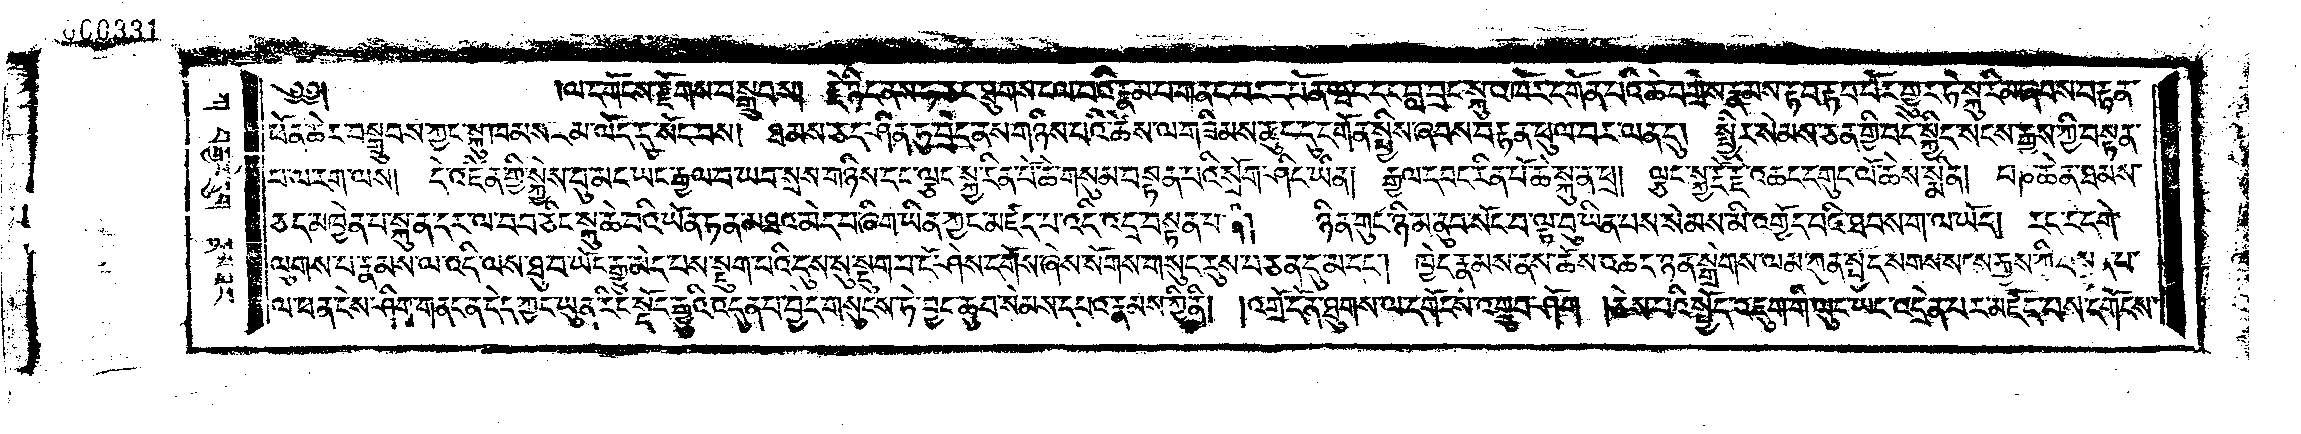༄༅། །ལ་དགོངས་རྫོགས་བསྒྲུབས། རྗེ་ཉིད་ནས་ཧ་ཅང་ཐུགས་ངལ་བའི་རྣམ་པ་གནང་བར་དཔོན་ཝང་དང་བླ་བྲང་སྐུ་འཁོར་དགོན་པའི་ཆེ་བགྲེས་རྣམས་རྟབ་རྟབ་པོར་གྱུར་ཏེ་སྐུ་རིམ་ཞབས་བརྟན་
ཕོན་ཆེར་བསྒྲུབས་ཀྱང་སྐུ་ཁམས་རིམ་ལོད་དུ་སོང་བས། ཐམས་ཅད་ཤིན་ཏུ་བྲེད་ནས་གཉིས་པའི་ཚེས་ལ་གཟིམས་ཆུང་དུ་དགོན་སྤྱིས་ཞབས་བརྟན་ཕུལ་བར་ལན་དུ། སྤྱིར་སེམས་ཅན་གྱི་བདེ་སྐྱིད་སངས་རྒྱས་ཀྱི་བསྟན་
པ་ལ་རག་ལས། དེ་འཛིན་གྱི་སྐྱེས་བུ་མང་ཡང་རྒྱལ་བ་ཡབ་སྲས་གཉིས་དང་ལྕང་སྐྱ་རིན་པོ་ཆེ་གསུམ་བསྟན་པའི་སྲོག་ཤིང་ཡིན། རྒྱལ་དབང་རིན་པོ་ཆེ་སྐུ་ན་ཕྲ། ལྕང་སྐྱ་རྡོ་རྗེ་འཆང་དགུང་ལོ་ཆེས་སྨིན། པཎ་ཆེན་ཐམས་
ཅད་མཁྱེན་པ་སྐུ་ན་དར་ལ་བབ་ཅིང་སྐུ་ཆེ་བའི་ཡོན་ཏན་མཐའ་མེད་པ་ཞིག་ཡིན་ཀྱང་མཛད་པ་འདི་འདྲ་བསྟན་པ་ནི། ཉིན་གུང་ཉི་མ་ནུབ་སོང་བ་ལྟ་བུ་ཡིན་པས་སེམས་མི་འགྱོད་པའི་ཐབས་ག་ལ་ཡོད། རང་རེ་དགེ་
ལུགས་པ་རྣམས་ལ་འདི་ལས་ཐུ་བ་ཡོང་རྒྱུ་མེད་པས་སྡུག་པའི་དུས་སུ་སྡུག་པ་ངོ་ཤེས་དགོས་ཞེས་སོགས་གསུང་རུས་པ་ཅན་དུ་མ་དང་། ཁྱེད་རྣམས་ནས་ཆོས་འཆད་ཉན་སྒྲིགས་ལམ་ཀུན་སྤྱོད་སོགས་སངས་རྒྱས་ཀྱི་བསྟན་པ་
ལ་ཕན་ངེས་ཤིག་གནང་ན་དེད་ཀྱང་ཡུན་རིང་སྡོང་རྒྱུའི་འདུན་པ་བྱེད་གསུངས་ཏེ་བྱང་ཆུབ་སེམས་དཔའ་རྣམས་ཀྱི་ནི། །འགྲོ་དོན་ཐུགས་ལ་དགོངས་འགྲུབ་ཤོག །ཅེས་པའི་སྤྱོད་འཇུག་གི་ལུང་ཡང་འདྲེན་པར་མཛད་པས་དགོངས་